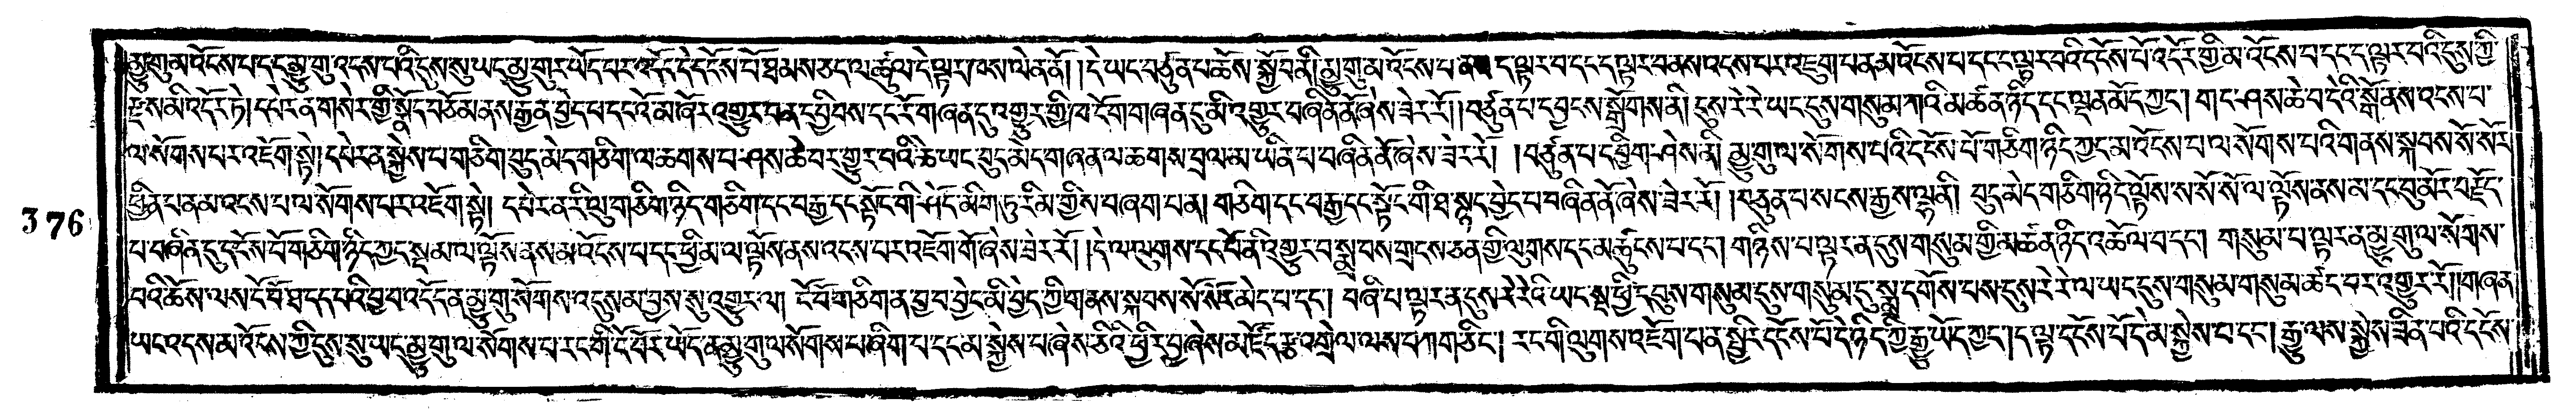མྱུ་གུ་མ་འོངས་པ་དང་མྱུ་གུ་འདས་པའི་དུས་སུ་ཡང་མྱུ་གུར་ཡོད་པར་འདོད་དེ་དངོས་པོ་ཐམས་ཅད་ལ་ཚུལ་དེ་ལྟར་ཁས་ལེན་ནོ། །དེ་ཡང་བཙུན་པ་ཆོས་སྐྱོ་བ་ནི། མྱུ་གུ་མ་འོངས་པ་ནས་ད་ལྟར་བ་དང་ད་ལྟར་བ་ནས་འདས་བར་འཇུག་པ་ནམ་འོངས་པ་དང་ད་ལྟར་བའི་དངོས་པོ་འདོར་གྱི་མ་འོངས་པ་དང་ད་ལྟར་བའི་དུས་ཀྱི་
རྫས་མི་འདོར་ཏེ། དཔེར་ན་གསེར་གྱི་སྣོད་བཅོམ་ནས་རྒྱན་བྱེད་པ་དང་འོ་མ་ཞོར་འགྱུར་བ་ན་དབྱིབས་དང་རོ་གཞན་དུ་འགྱུར་གྱི་ཁ་དོག་གཞན་དུ་མི་འགྱུར་བཞིན་ནོ་ཞེས་ཟེར་རོ། །བཙུན་པ་དབྱངས་སྒྲོགས་ནི། དུས་རེ་རེ་ཡང་དུས་གསུམ་ཀའི་མཚན་ཉིད་དང་ལྡན་མོད་ཀྱང་། གང་ཤས་ཆེ་བ་དེའི་སྒོ་ནས་འངས་པ་
ལ་སོགས་པར་འཇོག་སྟེ། དཔེར་ན་སྐྱེས་པ་གཅིག་བུད་མེད་གཅིག་ལ་ཆགས་པ་ཤས་ཆེ་བར་གྱུར་པའི་ཆེ་ཡང་བུད་མེད་གཞན་ལ་ཆགས་བྲལ་མ་ཡིན་པ་བཞིན་ནོ་ཞེས་ཟེར་རོ། །བཙུན་པ་དབྱིག་ཤེས་ནི། མྱུ་གུ་ལ་སོགས་པའི་དངོས་པོ་གཅིག་ཉིད་ཀྱང་མ་འོངས་བ་ལ་སོགས་པའི་གནས་སྐབས་སོ་སོར་
ཕྱིན་པ་ནམ་འདས་པ་ལ་སོགས་པར་འཇོག་སྟེ། དཔེར་ན་རི་ལུ་གཅིག་ཉིད་གཅིག་དང་བརྒྱ་དང་སྟོང་གི་ཤོད་མིག་ཏུ་རིམ་གྱིས་བཞག་པ་ན། གཅིག་དང་བརྒྱ་དང་སྟོང་གི་ཐ་སྙད་བྱེད་པ་བཞིན་ནོ་ཞེས་ཟེར་རོ། །བཅུན་པ་སངས་རྒྱས་ལྷ་ནི། བུད་མེད་གཅིག་ཉིད་ལྟོས་ས་སོ་སོ་ལ་ལྟོས་ནས་མ་དང་བུ་མོར་བརྗོད་
པ་བཞིན་དུ་དངོས་པོ་གཅིག་ཉིད་ཀྱང་སྔ་མ་ལ་ལྟོས་ནས་མ་འོངས་པ་དང་ཕྱི་མ་ལ་ལྟོས་ནས་འདས་པར་འཇོག་གོ་ཞེས་ཟེར་རོ། །དེ་ལ་ལུགས་དང་པོ་ནི་འགྱུར་བ་སྨྲ་བས་གྲངས་ཅན་གྱི་ལུགས་དང་མཚུངས་པ་དང་། གཉིས་པ་ལྟར་ན་དུས་གསུམ་གྱི་མཚན་ཉིད་འཆོལ་བ་དང་། གསུམ་པ་ལྟར་ན་མྱུ་གུ་ལ་སོགས་
པའི་ཆོས་ལས་ངོ་བོ་ཐ་དད་པའི་བྱ་བ་འདོད་ན་མྱུ་གུ་སོགས་འདུས་མ་བྱས་སུ་འགྱུར་ལ། ངོ་བོ་གཅིག་ན་བྱ་བ་བྱེད་མི་བྱེད་ཀྱི་གནས་སྐབས་སོ་སོར་མེད་པ་དང་། བཞི་པ་ལྟར་ན་དུས་རེ་རེའི་ཡང་སྔ་ཕྱི་དབུས་གསུམ་དུས་གསུམ་དུ་སྨྲ་དགོས་པས་དུས་རེ་རེ་ལ་ཡང་དུས་གསུམ་གསུམ་ཚང་བར་འགྱུར་རོ། །གཞན་
ཡང་འདས་མ་འོངས་ཀྱི་དུས་སུ་ཡང་མྱུ་གུ་ལ་སོགས་པ་རང་གི་ངོ་བོར་ཡོད་ན་མྱུ་གུ་ལ་སོགས་པ་ཞིག་པ་དང་མ་སྐྱེས་བ་ཞེས་ཅིའི་ཕྱིར་བྱ་ཞེས་མཛོད་རྩ་འགྲེལ་ལས་བཀག་ཅིང་། རང་གི་ལུགས་འཇོག་བ་ན་སྤྱིར་དངོས་པོ་དེ་ཉིད་ཀྱི་རྒྱུ་ཡོད་ཀྱང་། ད་ལྟ་དངོས་པོ་དེ་ལ་མ་སྐྱེས་པ་དང་། རྒྱུ་ལས་སྐྱེས་ཟིན་པའི་དངོས་